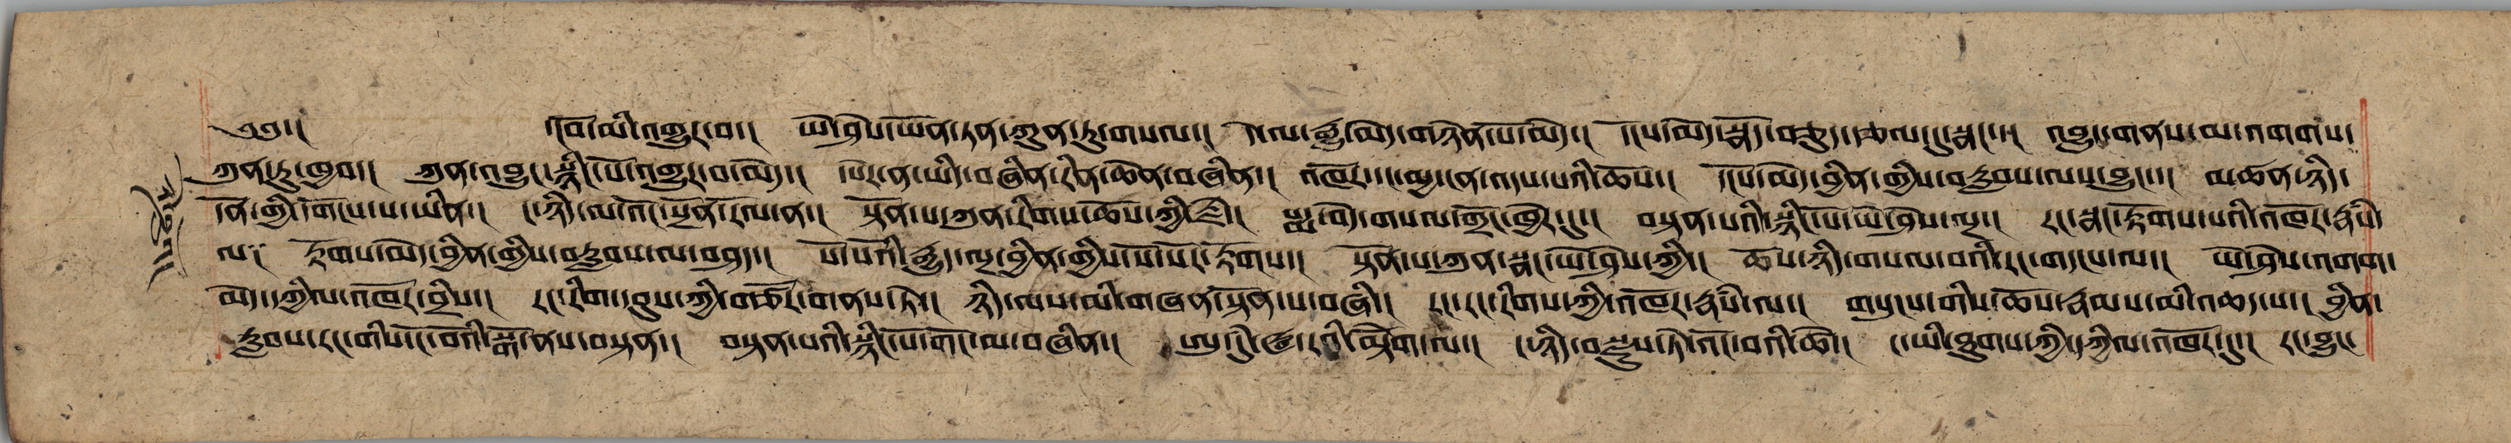༄༅་། ་།བོ་མི་འགྱུར་བ་། ཡེ་ཤེས་ཡོན་ཏན་ཀུན་ཏུ་གསལ་། དེ་ལ་རྒྱུ་མེད་གཉེན་པོ་མེད་། དངོས་མེད་སྣོད་བཅུད་རྩལ་དུ་སྣང་་། འབྱུང་གནས་མ་འགགས་
ཀུན་ཏུ་ཁྱབ་། ཀུན་འབྱུང་སྙིང་པོ་འགྱུར་བ་མེད་། དཔེར་ན་ཡིད་བཞིན་རིན་ཆེན་བཞིན་། འཁོར་དང་མྱ་ངན་འདས་པའི་ཆོས་། དངོས་མེད་བྱིན་གྱིས་བརླབས་ལས་བྱུང་་། མཚན་ཉིད་
དོན་གྱི་དགོངས་པ་ཡིན་། ང་ཉིད་མ་འོང་སྔོན་རོལ་ན་། སྟོན་པ་ཀུན་རིགས་ཆོས་ཀྱི་རྗེ་། པདྨ་འོད་གསལ་གྲོང་ཁྱེར་དུ་། བསྟན་པའི་སྙིང་པོ་ཡེ་ཤེས་ལྔ་། རང་སྣང་རྟོགས་པའི་འཁོར་རྣཾས་
ལ༑ རྟོགས་མེད་བྱིན་གྱིས་བརླབས་ལ་བཤད་། སོ་སོའི་རྒྱུད་ལྔ་བྱིན་གྱིས་སོ་སོར་རྟོགས་། སྟོན་པ་ཀུན་སྣང་ཡེ་ཤེས་ཀྱི་། ཆོས་ཉིད་གསལ་བའི་རང་གདངས་ལ་། ཡེ་ཤེས་འགག་
མེད་དཀྱིལ་འཁོར་བྲིས་། རང་རིག་དབུས་ཀྱི་གཙོར་གནས་ཏེ་། ཉིད་ལས་མི་གཞན་སྟོན་པ་བཞི་། རང་རང་རིགས་ཀྱི་འཁོར་རྣཾས་ལ་། གསུངས་གིས་ཆོས་རྣམས་མི་འཆད་པ་། བྱིན་
རླབས་རང་གིས་ངོ་བོའི་སྒོ་ནས་བསྟན་། བསྟན་པའི་སྙིང་པོ་གོང་མ་བཞིན་། ཨུ་དུཾ་ཝ་རའི་མྟེོག་ལ་། ང་ཉདི་བསྫུས་ཏེ་འོང་བའི་ཚེ་། ང་ཡི་ཐུགས་ཀྱི་དཀྱིལ་འཁོར་དུ་། རང་བྱུང་